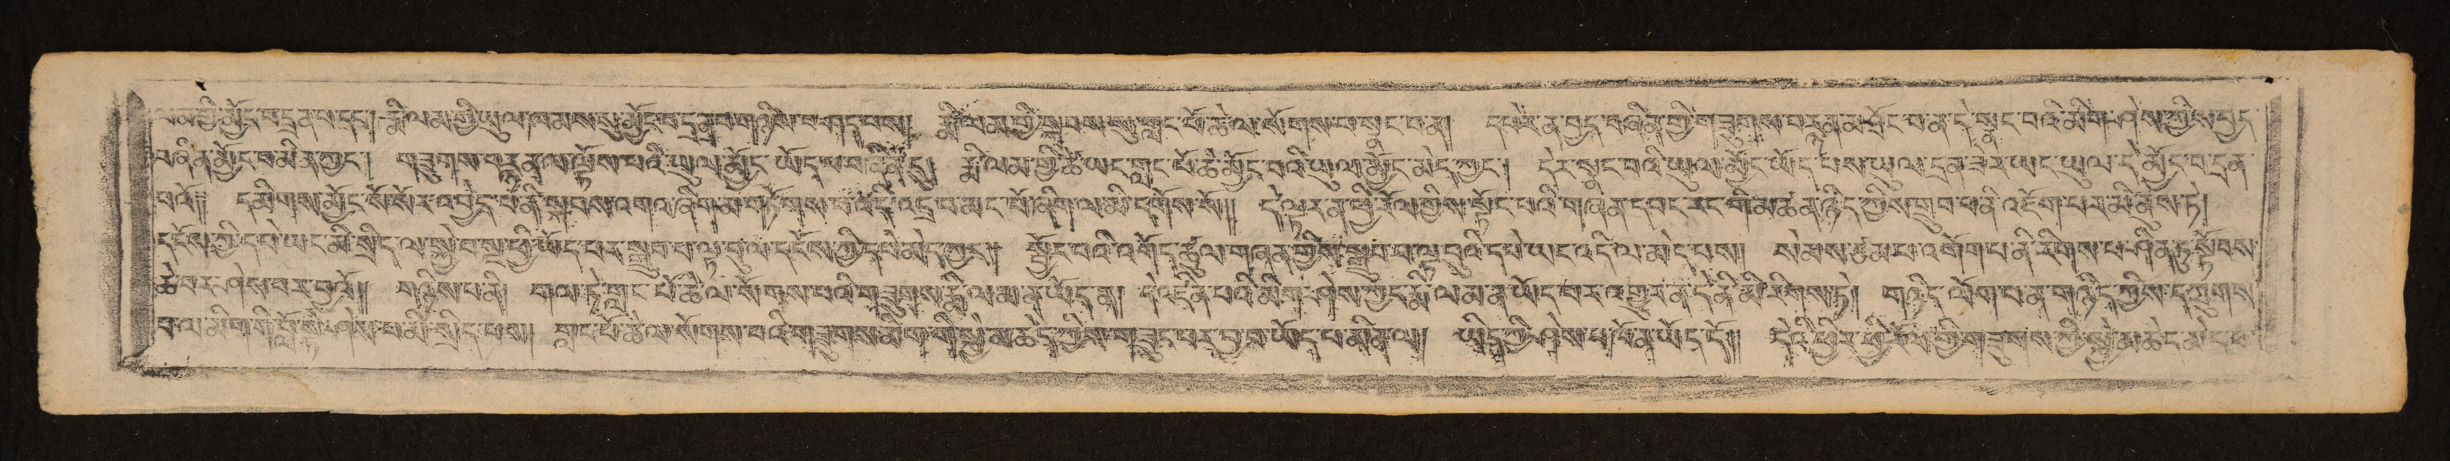ལམ་གྱི་མྱོང་བ་དྲན་པ་དང་། རྨི་ལམ་གྱི་ཡུལ་ཁམས་སུ་མྱོང་བ་དྲན་པ་གཉིས་བཤད་པས། རྨི་ལམ་གྱི་སྐབས་སུ་གླང་པོ་ཆེ་ལ་སོགས་པ་སྣང་བ་ན། དཔེར་ན་བྱད་བཞིན་གྱི་གཟུགས་བརྙན་མཐོང་བ་ན་དེ་སྣང་བའི་མིག་ཤེས་ཀྱིས་བྱད་
བཞིན་མྱོང་བ་མིན་ཀྱང་། གཟུགས་བརྙན་ལ་ལྟོས་པའི་ཡུལ་མྱོང་ཡོད་པ་བཞིན་དུ། རྨི་ལམ་གྱི་ཚེ་ཡང་གླང་པོ་ཆེ་མྱོང་བའི་ཡུལ་མྱོང་མེད་ཀྱང་། དེར་སྣང་བའི་ཡུལ་མྱོང་ཡོད་པས་ཡུལ་དྲན་ཟེར་ཡང་ཡུལ་དེ་མྱོང་བ་དྲན་
པའོ༑༑ དམིགས་མྱོང་སོ་སོར་འབྱེད་པ་ནི་སྐབས་འགའ་ཞིག་མ་གཏོགས་པ་འདི་འདྲ་བ་མང་པོ་ཞིག་ལ་མི་དགོས་སོ།། དེ་ལྟར་ན་ཕྱི་རོལ་གྱིས་སྟོང་པའི་གཞན་དབང་རང་གི་མཚན་ཉིད་ཀྱིས་གྲུབ་པ་ནི་འཇོག་པར་མི་ནུས་ཏེ།
དངོས་ཀྱི་དཔེ་ཡང་མི་སྲིད་ལ་སྐྱེ་བ་སྔ་ཕྱི་ཡོད་པར་སྒྲུབ་པ་ལྟ་བུ་ལ་དངོས་ཀྱི་དཔེ་མེད་ཀྱང་། སྦྱོར་བའི་འགོད་ཚུལ་གཞན་གྱིས་སྒྲུབ་པ་ལྟ་བུའི་དཔེ་ཡང་འདི་ལ་མེད་པས། སེམས་ཙམ་པ་འགོག་པ་ནི་རིགས་པ་ཤིན་ཏུ་སྟོབས་
ཆེ་བར་ཤེས་པར་བྱའོ།། གཉིས་པ་ནི། གལ་ཏེ་གླང་པོ་ཆེ་ལ་སོགས་པའི་གཟུགས་རྨི་ལམ་ན་ཡོད་ན། དེ་འཛིན་པའི་མིག་ཤེས་ཀྱང་རྨི་ལམ་ན་ཡོད་པར་འགྱུར་ན་དེ་ནི་མི་རིགས་ཏེ། གཉིད་ལོག་པ་ན་གཉིད་ཀྱིས་དཀྲུགས་
པ་ལ་མིག་གི་བློ་སྟེ་ཤེས་པ་མི་སྲིད་པས། གླང་པོ་ཆེ་ལ་སོགས་པའི་གཟུགས་མིག་གི་སྐྱེ་མཆེད་ཀྱིས་གཟུང་བར་བྱ་བ་ཡོད་པ་མིན་ལ། ཡིད་ཀྱི་ཤེས་པ་ཁོ་ན་ཡོད་དོ།། དེའི་ཕྱིར་ཕྱི་རོལ་གྱི་གཟུགས་ཀྱི་སྐྱེ་མཆེད་མེད་པ་